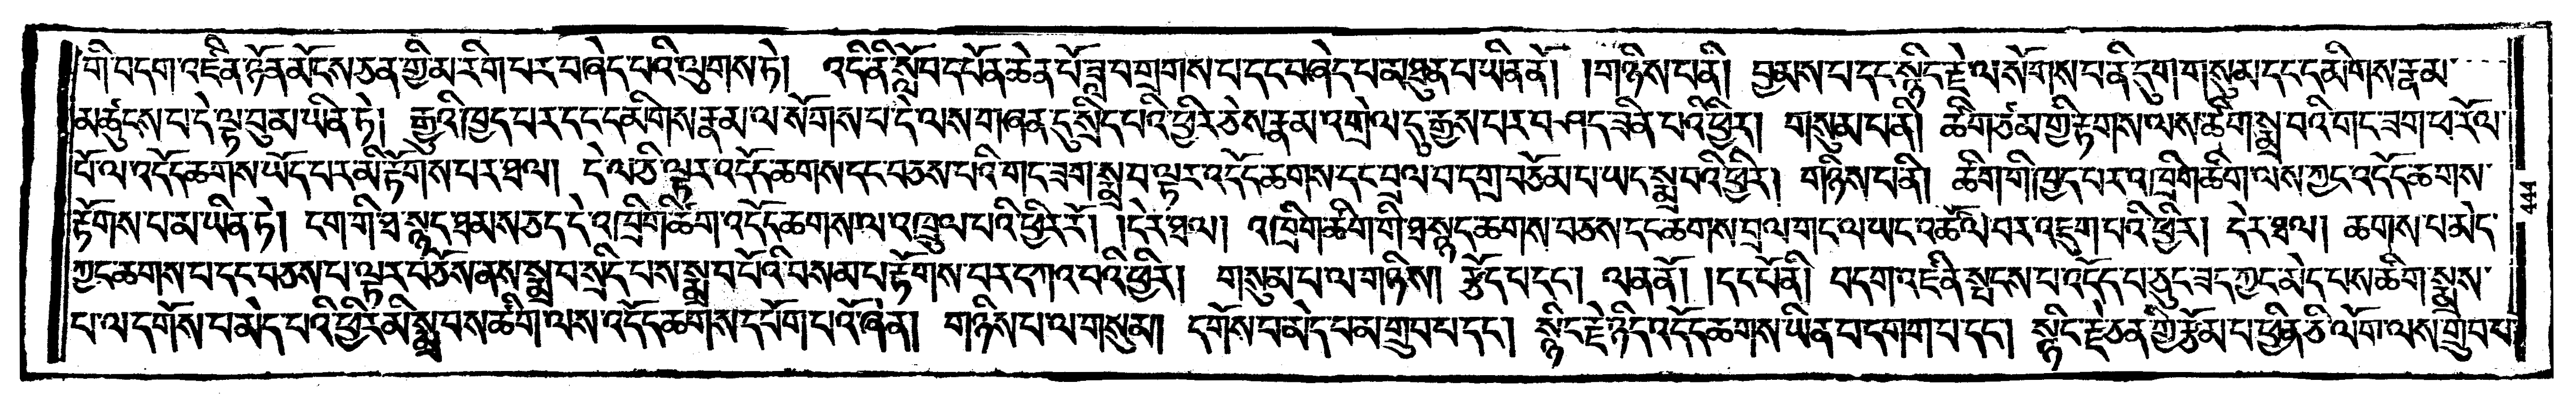གི་བདག་འཛིན་ཉོན་མོངས་ཅན་གྱི་མ་རིག་པར་བཞེད་པའི་ལུགས་ཏེ། འདི་ནི་སློབ་དཔོན་ཆེན་པོ་ཟླ་བ་གྲགས་པ་དང་བཞེད་པ་མཐུན་པ་ཡིན་ནོ། །གཉིས་པ་ནི། བྱམས་པ་དང་སྙིང་རྗེ་ལ་སོགས་པ་ནི་དུག་གསུམ་དང་དམིགས་རྣམ་
མཚུངས་པ་དེ་ལྟ་བུ་མ་ཡིན་ཏེ། རྒྱུའི་ཁྱད་པར་དང་དམིགས་རྣམ་ལ་སོགས་པ་དེ་ལས་གཞན་དུ་སྲིད་པའི་ཕྱིར་ཅེས་རྣམ་འགྲེལ་དུ་རྒྱས་པར་བཤད་ཟིན་པའི་ཕྱིར། གསུམ་པ་ནི། ཚིག་ཙམ་གྱི་རྟགས་ལས་ཚིག་སྨྲ་བའི་གང་ཟག་ཕ་རོལ་
པོ་ལ་འདོད་ཆགས་ཡོད་པར་མི་རྟོགས་པར་ཐལ། དེ་ལ་ཅི་ལྟར་འདོད་ཆགས་དང་བཅས་པའི་གང་ཟག་སྨྲ་བ་ལྟར་འདོད་ཆགས་དང་བྲལ་བ་དགྲ་བཅོམ་པ་ཡང་སྨྲ་བའི་ཕྱིར། གཉིས་པ་ནི། ཚིག་གི་ཁྱད་པར་འཁྲིག་ཚིག་ལས་ཀྱང་འདོད་ཆགས་
རྟོགས་པ་མ་ཡིན་ཏེ། ངག་གི་ཐ་སྙད་ཐམས་ཅད་དེ་འཁྲིག་ཚིག་འདོད་ཆགས་ལ་འཁྲུལ་པའི་ཕྱིར་རོ། །དེར་ཐལ། འཁྲིག་ཚིག་གི་ཐ་སྙད་ཆགས་བཅས་དང་ཆགས་བྲལ་གང་ལ་ཡང་འཚོལ་བར་འཇུག་པའི་ཕྱིར། དེར་ཐལ། ཆགས་པ་མེད་
ཀྱང་ཆགས་པ་དང་བཅས་པ་ལྟར་བཅོས་ནས་སྨྲ་བ་སྲིད་པས་སྨྲ་བ་པོའི་བསམ་པ་རྟོགས་པར་དཀའ་བའི་ཕྱིར། གསུམ་པ་ལ་གཉིས། རྩོད་པ་དང་། ལན་ནོ། །དང་པོ་ནི། བདག་འཛིན་སྤངས་པ་འདོད་པ་ཅུང་ཟད་ཀྱང་མེད་པས་ཚིག་སྨྲས་
པ་ལ་དགོས་པ་མེད་པའི་ཕྱིར་མི་སྨྲ་བས་ཚིག་ལས་འདོད་ཆགས་དཔོག་པའོ་ཞེ་ན། གཉིས་པ་ལ་གསུམ། དགོས་པ་མེད་པ་མ་གྲུབ་པ་དང་། སྙིང་རྗེ་ཉིད་འདོད་ཆགས་ཡིན་པ་དགག་པ་དང་། སྙིང་རྗེ་ཅན་གྱི་རྩོམ་པ་ཕྱིན་ཅི་ལོག་ལས་གྲུབ་པ་